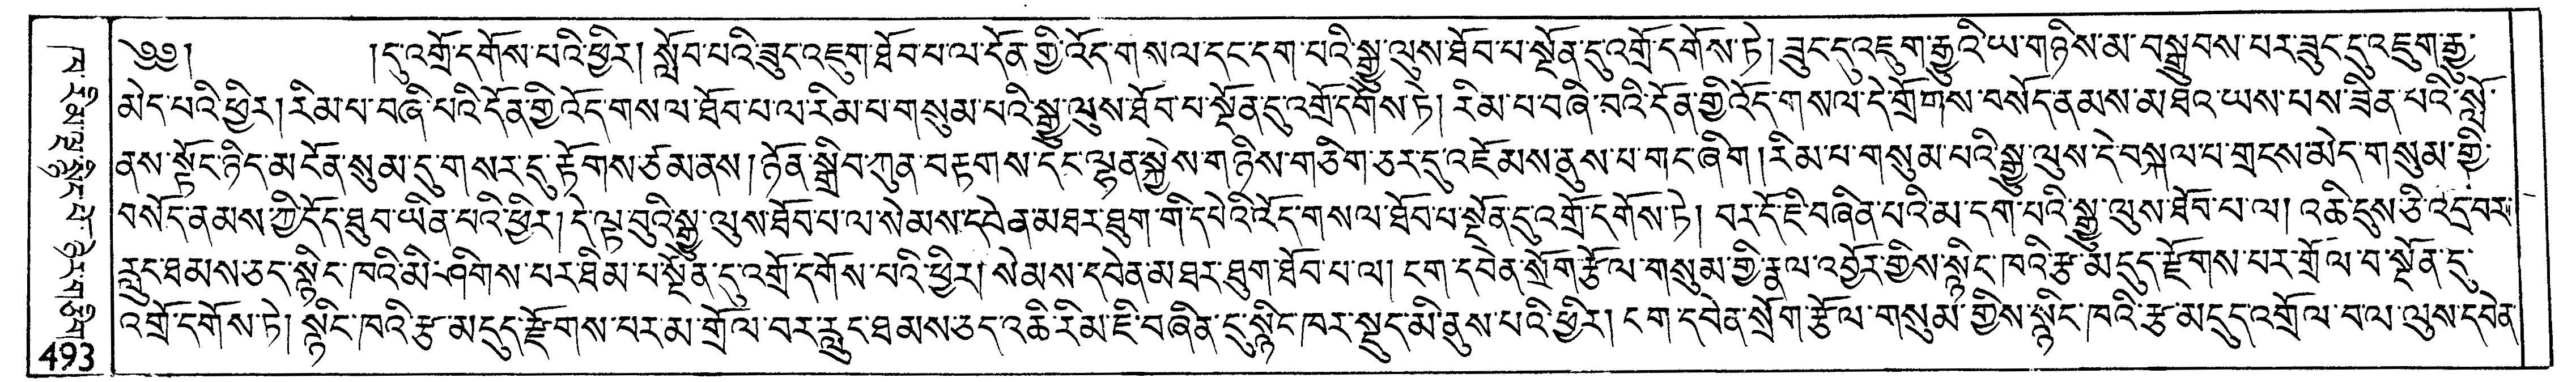༄༅། །དུ་འགྲོ་དགོས་པའི་ཕྱིར། སློབ་པའི་ཟུང་འཇུག་ཐོབ་པ་ལ་དོན་གྱི་འོད་གསལ་དང་དག་པའི་སྒྱུ་ལུས་ཐོབ་པ་སྔོན་དུ་འགྲོ་དགོས་ཏེ། ཟུང་དུ་འཇུག་རྒྱུའི་ཡ་གཉིས་མ་བསྒྲུབས་པར་ཟུང་དུ་འཇུག་རྒྱུ་
མེད་པའི་ཕྱིར། རིམ་པ་བཞི་པའི་དོན་གྱི་འོད་གསལ་ཐོབ་པ་ལ་རིམ་པ་གསུམ་པའི་སྒྱུ་ལུས་ཐོབ་པ་སྔོན་དུ་འགྲོ་དགོས་ཏེ། རིམ་པ་བཞི་བའི་དོན་གྱི་འོད་གསལ་དེ་གྲོགས་བསོད་ནམས་མཐའ་ཡས་པས་ཟིན་པའི་སློ་
ནས་སྟོང་ཉིད་མངོན་སུམ་དུ་གསར་དུ་རྟོགས་ཙམ་ནས། ཉོན་སྒྲིབ་ཀུན་བརྟགས་དང་ལྷན་སྐྱེས་གཉིས་གཅིག་ཅར་དུ་འཇོམས་ནུས་པ་གང་ཞིག །རིམ་པ་གསུམ་པའི་སྒྱུ་ལུས་དེ་བསྐལ་པ་གྲངས་མེད་གསུམ་གྱི་
བསོད་ནམས་ཀྱི་དོད་ཐུབ་ཡིན་པའི་ཕྱིར། དེ་ལྟ་བུའི་སྒྱུ་ལུས་ཐོབ་པ་ལ་སེམས་དབེན་མཐར་ཐུག་གི་དཔེའི་འོད་གསལ་ཐོབ་པ་སྔོན་དུ་འགྲོ་དགོས་ཏེ། བར་དོ་ཇི་བཞིན་པའི་མ་དག་པའི་སྒྱུ་ལུས་ཐོབ་པ་ལ། འཆི་དུས་ཅི་འདྲ་བར་
རླུང་ཐམས་ཅད་སྙིང་ཁའི་མི་ཤིགས་པར་ཐིམ་པ་སྔོན་དུ་འགྲོ་དགོས་པའི་ཕྱིར། སེམས་དབེན་མཐར་ཐུག་ཐོབ་པ་ལ། ངག་དབེན་སྲོག་རྩོལ་གསུམ་གྱི་རྣལ་འབྱོར་གྱིས་སྙིང་ཁའི་རྩ་མདུད་རྫོགས་པར་གྲོལ་བ་སྔོན་དུ་
འགྲོ་དགོས་ཏེ། སྙིང་ཁའི་རྩ་མདུད་རྫོགས་པར་མ་གྲོལ་བར་རླུང་ཐམས་ཅད་འཆི་རིམ་ཇི་བཞིན་དུ་སྙིང་ཁར་སྡུད་མི་ནུས་པའི་ཕྱིར། ངག་དབེན་སྲོག་རྩོལ་གསུམ་གྱིས་སྙིང་ཁའི་རྩ་མདུད་འགྲོལ་བ་ལ་ལུས་དབེན་